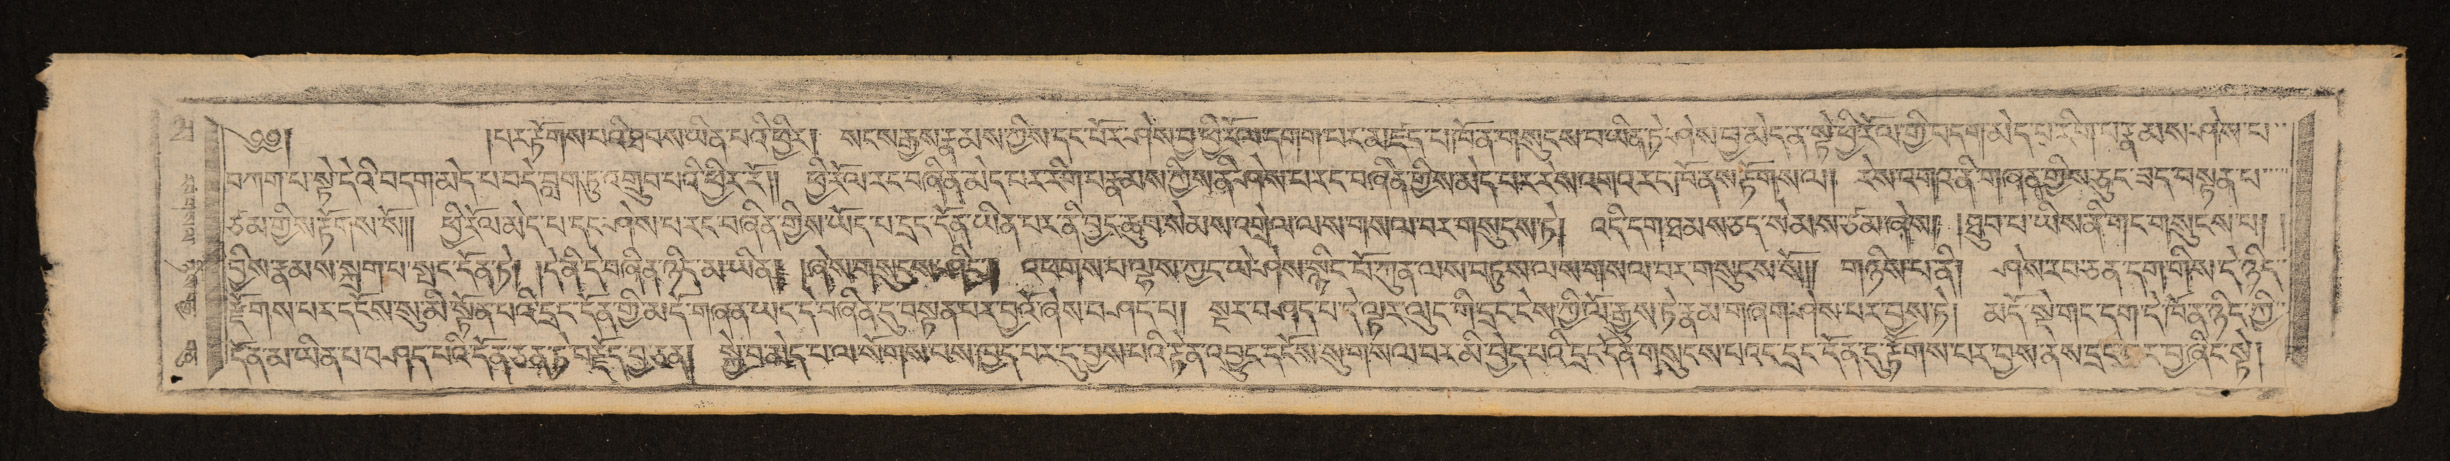༄༅། །པར་རྟོགས་པའི་ཐབས་ཡིན་པའི་ཕྱིར། སངས་རྒྱས་རྣམས་ཀྱིས་དང་པོར་ཤེས་བྱ་ཕྱི་རོལ་དགག་པར་མཛད་པ་ཁོ་ན་གསུངས་པ་ཡིན་ཏེ་ཤེས་བྱ་མེད་ན་སྟེ་ཕྱི་རོལ་གྱི་བདག་མེད་པ་རིག་པ་རྣམས་ཤེས་པ་
བཀག་པ་སྟེ་དེའི་བདག་མེད་པ་བདེ་བླག་ཏུ་འགྲུབ་པའི་ཕྱིར་རོ།། ཕྱི་རོལ་རང་བཞིན་མེད་པར་རིག་པ་རྣམས་ཀྱིས་ནི་ཤེས་པ་རང་བཞིན་གྱིས་མེད་པར་རེས་འགའ་རང་ཁོ་ནས་རྟོགས་ལ། རེས་འགའ་ནི་གཞན་གྱིས་ཅུང་ཟད་བསྟན་པ་
ཙམ་གྱིས་རྟོགས་སོ།། ཕྱི་རོལ་མེད་པ་དང་ཤེས་པ་རང་བཞིན་གྱིས་ཡོད་པ་དྲང་དོན་ཡིན་པར་ནི་བྱང་ཆུབ་སེམས་འགྲེལ་ལས་གསལ་བར་གསུངས་ཏེ། འདི་དག་ཐམས་ཅད་སེམས་ཙམ་ཞེས། །ཐུབ་པ་ཡིས་ནི་གང་གསུངས་པ།།
བྱིས་རྣམས་སྐྲག་པ་སྤང་དོན་ཏེ། །དེ་ནི་དེ་བཞིན་ཉིད་མ་ཡིན། །ཞེས་གསུངས་ཤིང་། འཕགས་པ་ལྷས་ཀྱང་ཡེ་ཤེས་སྙིང་པོ་ཀུན་ལས་བཏུས་ལས་གསལ་བར་གསུངས་སོ།། གཉིས་པ་ནི། ཤེས་རབ་ཅན་དག་གིས་དེ་ཉིད་
རྫོགས་པར་དངོས་སུ་མི་སྟོན་པའི་དྲང་དོན་གྱི་མདོ་གཞན་ཡང་དེ་བཞིན་དུ་བསྟན་པར་བྱའོ་ཞེས་བཤད་པ། སྔར་བཤད་པ་དེ་ལྟར་ལུང་གི་དྲང་ངེས་ཀྱི་ལོ་རྒྱུས་ཏེ་རྣམ་གཞག་ཤེས་པར་བྱས་ཏེ། མདོ་སྡེ་གང་དག་དེ་ཁོ་ན་ཉིད་ཀྱི་
དོན་མ་ཡིན་པ་བཤད་པའི་དོན་ཅན་ཏེ་བརྗོད་བྱ་ཅན། སྐྱེ་བ་མེད་པ་ལ་སོགས་པས་ཁྱད་པར་དུ་བྱས་པའི་རྟེན་འབྱུང་དངོས་སུ་གསལ་བར་མི་བྱེད་པའི་དྲང་དོན་གསུངས་པའང་དྲང་དོན་དུ་རྟོགས་པར་བྱས་ནས་དྲང་བར་བྱ་ཞིང་སྟེ།